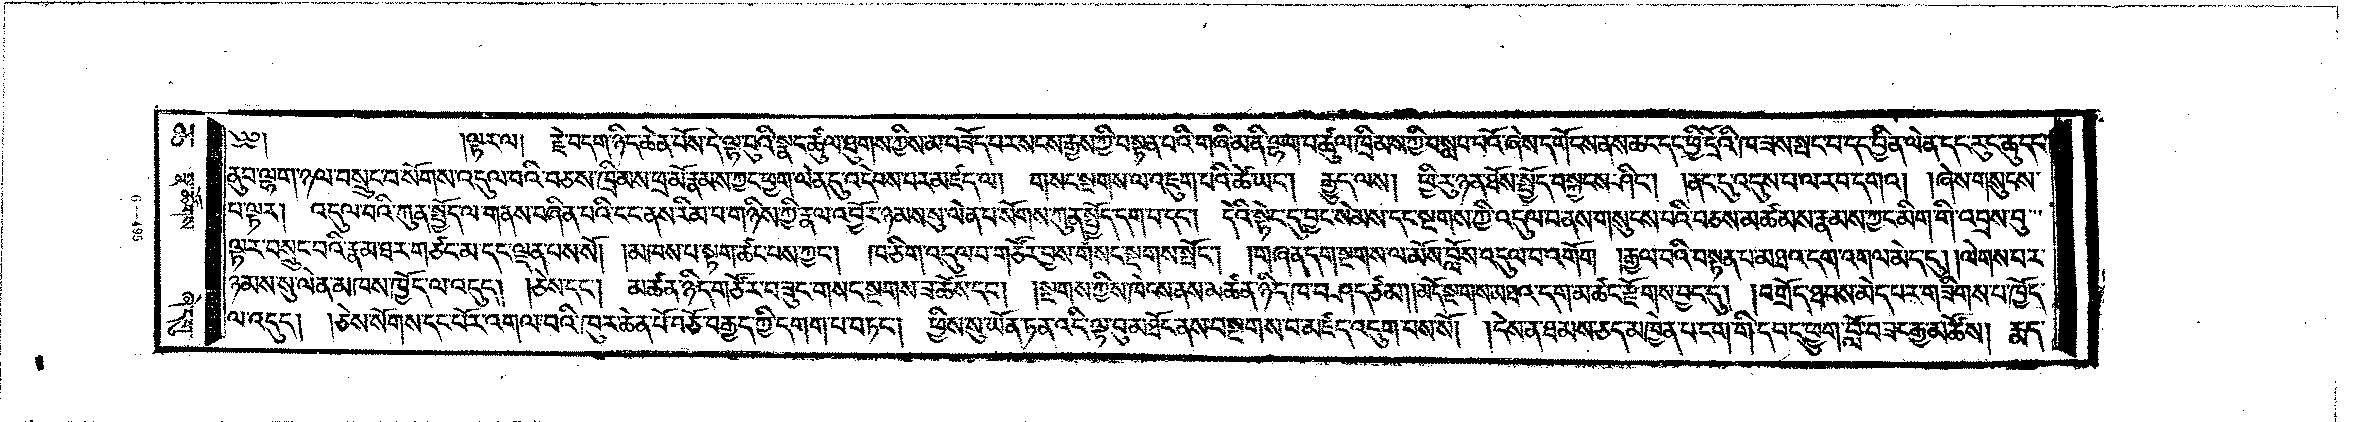༄༅། །ལྟར་ལ། རྗེ་བདག་ཉིད་ཆེན་པོས་དེ་ལྟ་བུའི་སྣང་ཚུལ་ཐུགས་ཀྱིས་མ་བཟོད་པར་སངས་རྒྱས་ཀྱི་བསྟན་པའི་གཞི་མ་ནི་ལྷག་པ་ཚུལ་ཁྲིམས་ཀྱི་བསླབ་པའོ་ཞེས་དགོངས་ནས་ཆང་དང་ཕྱི་དྲོའི་ཁ་ཟས་སྤང་བ་དང་བྱིན་ལེན་དང་རུང་ཆུ་དང་
ནུབ་ལྷག་ཉལ་བསྲུང་བ་སོགས་འདུལ་བའི་བཅས་ཁྲིམས་ཕྲ་མོ་རྣམས་ཀྱང་ཕྱག་ལེན་དུ་འདེབས་པར་མཛད་ལ། གསང་སྔགས་ལ་འཇུག་པའི་ཚེ་ཡང་། རྒྱུད་ལས། ཕྱི་རུ་ཉན་ཐོས་སྤྱོད་བསྐྱངས་ཤིང་། །ནང་དུ་འདུས་པ་ལ་རབ་དགའ། །ཞེས་གསུངས་
པ་ལྟར། འདུལ་བའི་ཀུན་སྤྱོད་ལ་གནས་བཞིན་པའི་ངང་ནས་རིམ་པ་གཉིས་ཀྱི་རྣལ་འབྱོར་ཉམས་སུ་ལེན་པ་སོགས་ཀུན་སྤྱོད་དག་པ་དང་། དེའི་སྟེང་དུ་བྱང་སེམས་དང་སྔགས་ཀྱི་འདུལ་བ་ནས་གསུངས་པའི་བཅས་མཚམས་རྣམས་ཀྱང་མིག་གི་འབྲས་བུ་
ལྟར་བསྲུང་བའི་རྣམ་ཐར་གཙང་མ་དང་ལྡན་པས་སོ། །མཁས་པ་སྟག་ཚང་པས་ཀྱང་། ཁ་ཅིག་འདུལ་བ་གཙོར་བྱས་གསང་སྔགས་སྤོང་། །གཞན་དག་སྔགས་ལ་མོས་བློས་འདུལ་བ་འགོག །རྒྱལ་བའི་བསྟན་པ་མཐའ་དག་འགལ་མེད་དུ། །ལེགས་པར་
ཉམས་སུ་ལེན་མཁས་ཁྱོད་ལ་བདུད། །ཅེས་དང་། མཚན་ཉིད་གཙོར་བཟུང་གསང་སྔགས་ཟ་ཆོས་དང་། །སྔགས་ཀྱིས་ཁེངས་ནས་མཚན་ཉིད་ཁ་བཤད་ཙམ། །མདོ་སྔགས་མཐའ་དག་མ་ཚང་རྫོགས་བྱང་དུ། །བགྲོད་ཐབས་མེད་པར་གཟིགས་པ་ཁྱོད་
ལ་འདུད། །ཅེས་སོགས་དང་པོར་འགལ་བའི་ཁུར་ཆེན་པོ་བཅོ་བརྒྱད་ཀྱི་དགག་པ་བཏང་། ཕྱིས་སུ་ཡོན་ཏན་འདི་ལྟ་བུ་མཐོང་ནས་བསྔགས་པ་མཛད་འདུག་པས་སོ། །དེས་ན་ཐམས་ཅད་མཁྱེན་པ་ངག་གི་དབང་ཕྱུག་བློ་བཟང་རྒྱ་མཚོས། རྨད་